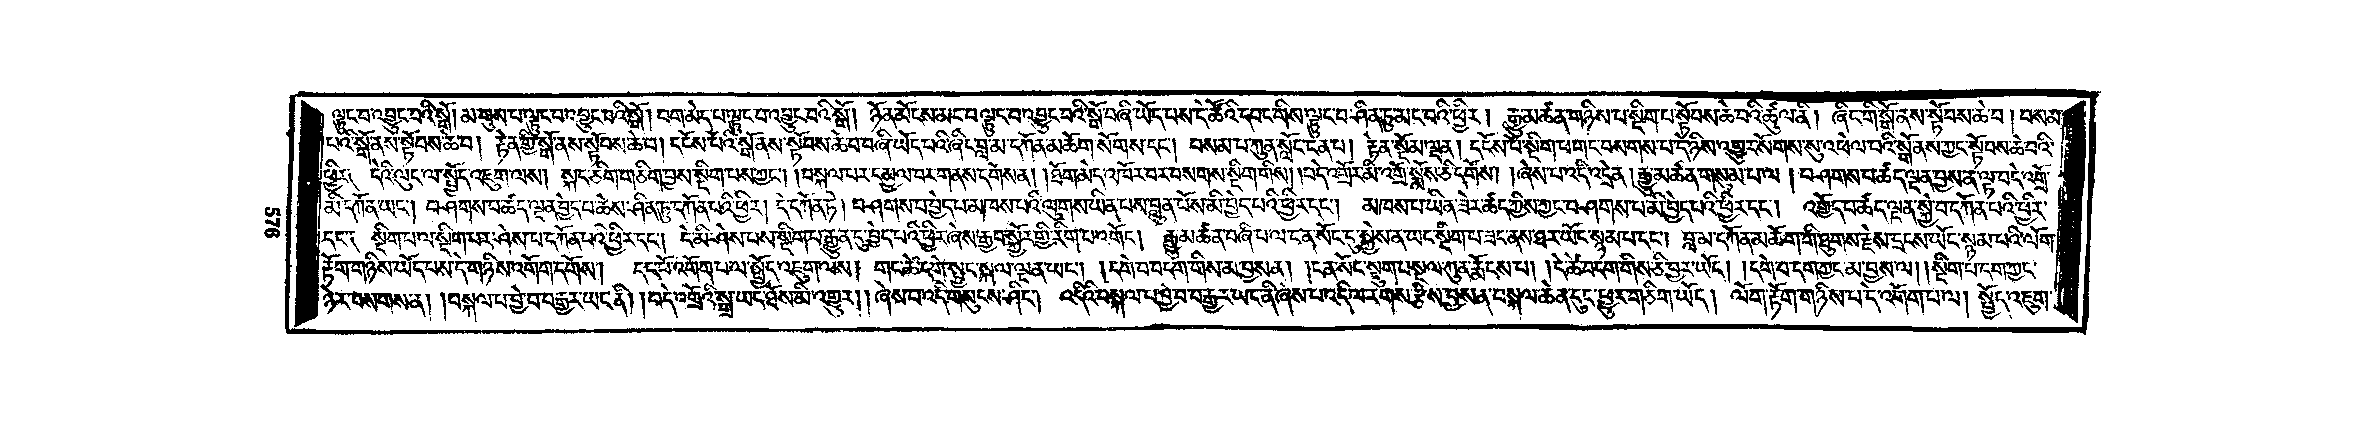ལྟུང་བ་འབྱུང་བའི་སྒོ། མ་གུས་པ་ལྟུང་བ་འབྱུང་བའི་སྒོ། བག་མེད་པ་ལྟུང་བ་འབྱུང་བའི་སྒོ། ཉོན་མོངས་མང་བལྟུང་བ་འབྱུང་བའི་སྒོ་བཞི་ཡོད་པས་དེ་ཚོའི་དབང་གིས་ལྟུང་བ་ཤིན་ཏུ་མང་བའི་ཕྱིར། རྒྱུ་མཚན་གཉིས་པ་སྡིག་པ་སྟོབས་ཆེ་བའི་ཚུལ་ནི། ཞིང་གི་སྒོ་ནས་སྟོབས་ཆེ་བ། བསམ་
པའི་སྒོ་ནས་སྟོབས་ཆེ་བ། རྟེན་གྱི་སྒོ་ནས་སྟོབས་ཆེ་བ། དངོས་པོའི་སྒོ་ནས་སྟོབས་ཆེ་བ་བཞི་ཡོད་པའི་ཞིང་བླ་མ་དཀོན་མཆོག་སོགས་དང་། བསམ་པ་ཀུན་སློང་ངན་པ། རྟེན་སྡོམ་ལྡན། དངོས་པོ་སྡིག་པ་གང་བསགས་པ་དེ་ཉིས་འགྱུར་སོགས་སུ་འཕེལ་བའི་སྒོ་ནས་ཀྱང་སྟོབས་ཆེ་བའི་
ཕྱིར། དེའི་ལུང་ལ་སྤྱོད་འཇུག་ལས། སྐད་ཅིག་གཅིག་བྱས་སྡིག་པས་ཀྱང་། །བསྐལ་པར་དམྱལ་བར་གནས་དགོས་ན། །ཐོག་མེད་འཁོར་བར་བསགས་སྡིག་གིས། །བདེ་འགྲོར་མི་འགྲོ་སྨོས་ཅི་དགོས། །ཞེས་པ་འདི་འདྲེན། རྒྱུ་མཚན་གསུམ་པ་ལ། བཤགས་པ་ཚད་ལྡན་བྱས་ན་ལྟ་བདེ་འགྲོ་
མི་དཀོན་ཡང་། བཤགས་པ་ཚད་ལྡན་བྱེད་པ་ཆེས་ཤིན་ཏུ་དཀོན་པའི་ཕྱིར། དེ་དཀོན་ཏེ། བཤགས་པ་བྱེད་པ་མཁས་པའི་ལུགས་ཡིན་པས་བླུན་པོས་མི་བྱེད་པའི་ཕྱིར་དང་། མཁས་པ་ཡིན་ཟེར་ཚད་ཀྱིས་ཀྱང་བཤགས་པ་མི་བྱེད་པའི་ཕྱིར་དང་། འགྱོད་པ་ཚད་ལྡན་སྐྱེ་བ་དཀོན་པའི་ཕྱིར་
དང་། སྡིག་པ་ལ་སྡིག་པར་ཤེས་པ་དཀོན་པའི་ཕྱིར་དང་། དེ་མི་ཤེས་པས་སྡིག་པ་རྒྱུན་དུ་བྱེད་པའི་ཕྱིར་ཞེས་རྒྱབ་སྐྱོར་གྱི་རིག་པ་འགོད། རྒྱུ་མཚན་བཞི་པ་ལ་ངན་སོང་དུ་སྐྱེས་ན་ཡང་སྡིག་པ་ཟང་ནས་ཐར་ཡོང་སྙམ་པ་དང་། བླ་མ་དཀོན་མཆོག་གི་ཐུགས་རྗེས་དྲངས་ཡོངས་སྙམ་པའི་ལོག་
རྟོག་གཉིས་ཡོད་པས་དེ་གཉིས་འགོག་དགོས། དང་པོ་འགོག་པ་ལ་སྤྱོད་འཇུག་ལས། གང་ཚེ་དགེ་སྤྱད་སྐལ་ལྡན་ཡང་། །དགེ་བ་བདག་གིས་མ་བྱས་ན། །ངན་སོང་སྡུག་བསྔལ་ཀུན་རྨོངས་པ། །དེ་ཚེ་བདག་གིས་ཅི་བྱར་ཡོད། །དགེ་བ་དག་ཀྱང་མ་བྱས་ལ། །སྡིག་པ་དག་ཀྱང་
ཉེར་བསགས་ན། །བསྐལ་པ་བྱེ་བ་བརྒྱར་ཡང་ནི། །བདེ་འགྲོའི་སྒྲ་ཡང་ཐོས་མི་འགྱུར། །ཞེས་པ་འདི་གསུངས་ཤིང་། འདིའི་བསྐལ་བ་བྱེ་བ་བརྒྱར་ཡང་ནི་ཞེས་པ་འདི་ལ་རགས་རྩིས་བྱས་ན་བསྐལ་ཆེན་དུང་ཕྱུར་གཅིག་ཡོད། ལོག་རྟོག་གཉིས་པ་དེ་འགོག་པ་ལ། སྤྱོད་འཇུག་